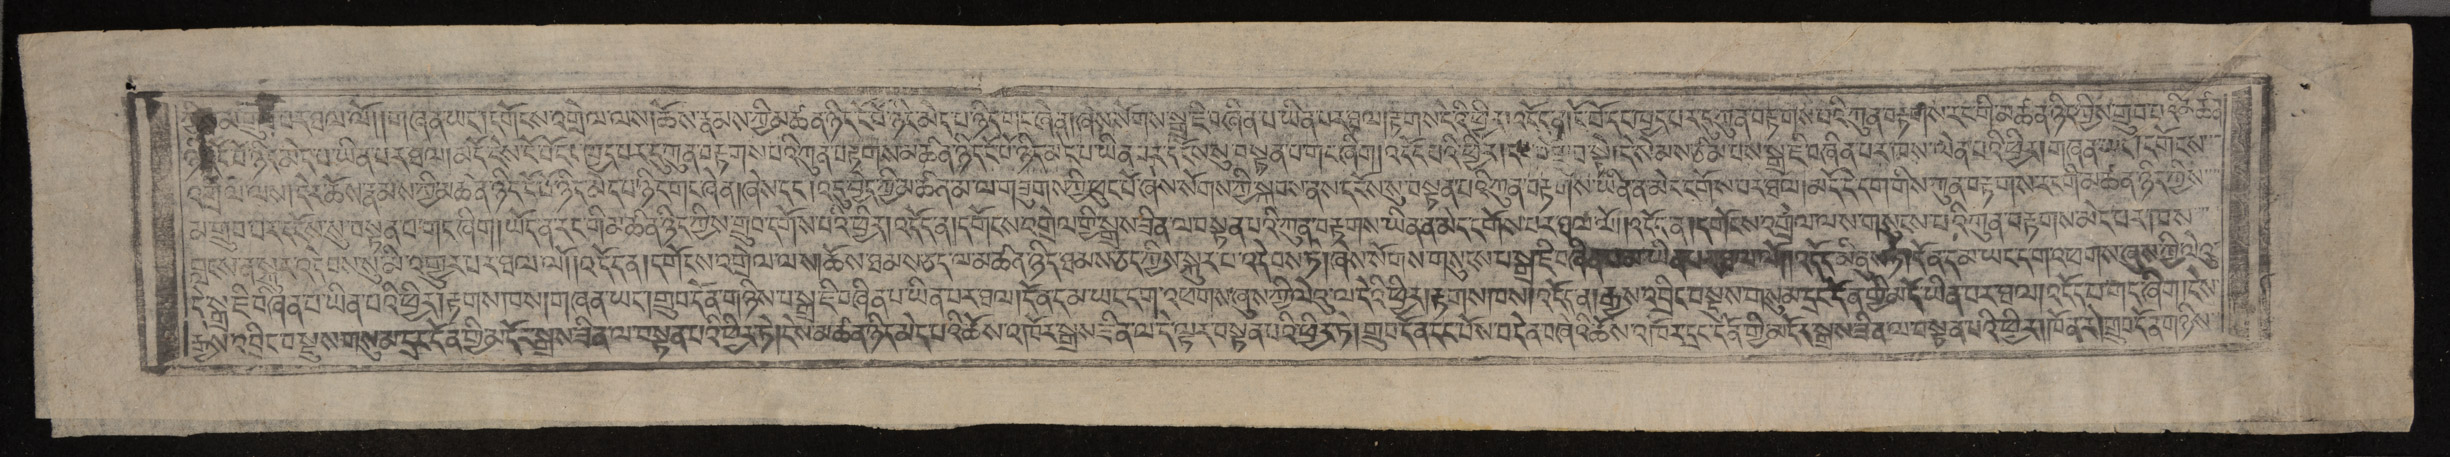ཀྱིས་མ་གྲུབ་པར་ཐལ་ལོ། །གཞན་ཡང་། དགོངས་འགྲེལ་ལས། ཆོས་རྣམས་ཀྱི་མཚན་ཉིད་ངོ་བོ་ཉིད་མེད་པ་ཉིད་གང་ཞེ་ན། ཞེས་སོགས་སྒྲ་ཇི་བཞིན་པ་ཡིན་པར་ཐལ། རྟགས་དེའི་ཕྱིར། འདོད་ན། ངོ་བོ་དང་ཁྱད་པར་དུ་ཀུན་བརྟགས་པའི་ཀུན་བརྟགས་རང་གི་མཚན་ཉིད་ཀྱིས་གྲུབ་པའི་མཚན་
ཉིད་ངོ་བོ་ཉིད་མེད་པ་ཡིན་པར་ཐལ། མདོ་དེས་ངོ་བོ་དང་ཁྱད་པར་དུ་ཀུན་བརྟགས་པའི་ཀུན་བརྟགས་མཚན་ཉིད་ངོ་བོ་ཉིད་མེད་པ་ཡིན་པར་དངོས་སུ་བསྟན་པ་གང་ཞིག །འདོད་པའི་ཕྱིར། དང་པོ་གྲུབ་སྟེ། དེ་སེམས་ཙམ་པས་སྒྲ་ཇི་བཞིན་པར་ཁས་ལེན་པའི་ཕྱིར། གཞན་ཡང་། དགོངས་
འགྲེལ་ལས། དེར་ཆོས་རྣམས་ཀྱི་མཚན་ཉིད་ངོ་བོ་ཉིད་མེད་པ་ཉིད་གང་ཞེ་ན། ཞེས་དང་། འདུ་བྱེད་ཀྱི་མཚན་མ་ལ་གཟུགས་ཀྱི་ཕུང་པོ་ཞེས་སོགས་ཀྱི་སྐབས་ནས་དངོས་སུ་བསྟན་པའི་ཀུན་བརྟགས་ཡིན་ན་མེད་དགོས་པར་ཐལ། མདོ་དེ་དག་གིས་ཀུན་བརྟགས་རང་གི་མཚན་ཉིད་ཀྱིས་
མ་གྲུབ་པར་དངོས་སུ་བསྟན་པ་གང་ཞིག །ཡོད་ན་རང་གི་མཚན་ཉིད་ཀྱིས་གྲུབ་དགོས་པའི་ཕྱིར། འདོད་ན། དགོངས་འགྲེལ་གྱི་སྒྲས་ཟིན་ལ་བསྟན་པའི་ཀུན་བརྟགས་ཡིན་ན་མེད་དགོས་པར་ཐལ་ལོ། །འདོད་ན། དགོངས་འགྲེལ་ལས་གསུངས་པའི་ཀུན་བརྟགས་མེད་པར་ཁས་
བླངས་ན་སྐུར་འདེབས་སུ་མི་འགྱུར་བར་ཐལ་ལོ། །འདོད་ན། དགོངས་འགྲེལ་ལས། ཆོས་ཐམས་ཅད་ལ་མཚན་ཉིད་ཐམས་ཅད་ཀྱིས་སྐུར་པ་འདེབས་ཏེ། ཞེས་སོགས་གསུངས་པ་སྒྲ་ཇི་བཞིན་པ་མ་ཡིན་པར་ཐལ་ལོ། །འདོད་མི་ནུས་ཏེ། དོན་དམ་ཡང་དག་འཕགས་ཞུས་ཀྱི་ལེའུ་
དེ་སྒྲ་ཇི་བཞིན་པ་ཡིན་པའི་ཕྱིར། རྟགས་ཁས། གཞན་ཡང་། གྲུབ་དེན་གཉིས་པ་སྒྲ་ཇི་བཞིན་པ་ཡིན་པར་ཐལ། དོན་དམ་ཡང་དག་འཕགས་ཞུས་ཀྱི་ལེའུ་ལ་དེའི་ཕྱིར། རྟགས་ཁས། འདོད་ན། རྒྱས་འབྲིང་བསྡུས་གསུམ་དྲང་དོན་གྱི་མདོ་ཡིན་པར་ཐལ། འདོད་པ་གང་ཞིག །དེས་
རྒྱས་འབྲིང་བསྡུས་གསུམ་དྲང་དོན་གྱི་མདོར་སྒྲས་ཟིན་ལ་བསྟན་པའི་ཕྱིར་ཏེ། དེས་མཚན་ཉིད་མེད་པའི་ཆོས་འཁོར་སྒྲས་ཟིན་ལ་དེ་ལྟར་བསྟན་པའི་ཕྱིར་ཏེ། གྲུབ་དོན་དང་པོས་བདེན་བཞིའི་ཆོས་འཁོར་དྲང་དོན་གྱི་མདོར་སྒྲས་ཟིན་ལ་བསྟན་པའི་ཕྱིར། ཁོ་ན་རེ། གྲུབ་དོན་གཉིས་